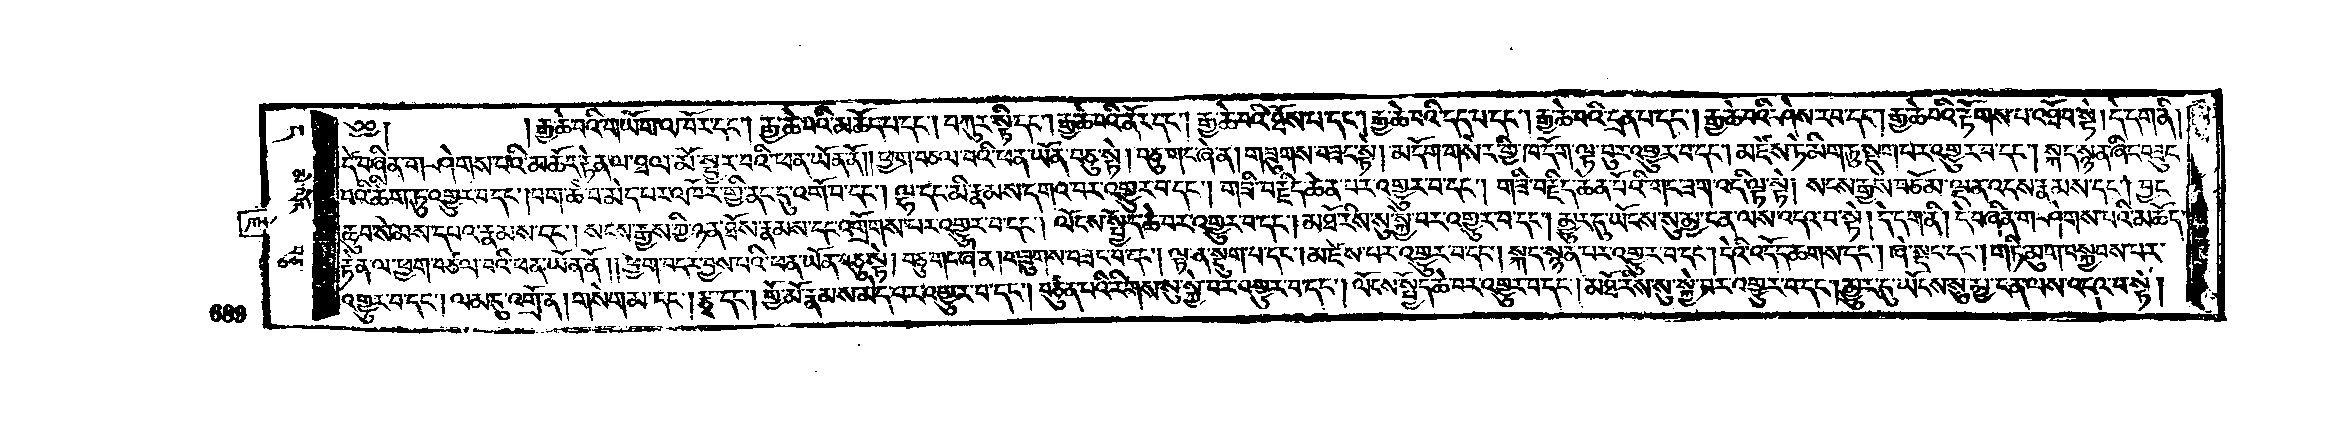༄༅། །རྒྱ་ཆེ་བའི་གཡོག་འཁོར་དང་། རྒྱ་ཆེ་བའི་མཆོད་པ་དང་། བཀུར་སྟི་དང་། རྒྱ་ཆེ་བའི་ནོར་དང་། རྒྱ་ཆེ་བའི་ཐོས་པ་དང་། རྒྱ་ཆེ་བའི་དད་པ་དང་། རྒྱ་ཆེ་བའི་དྲན་པ་དང་། རྒྱ་ཆེ་བའི་ཤེས་རབ་དང་། རྒྱ་ཆེ་བའི་རྟོགས་པ་འཐོབ་སྟེ། དེ་དག་ནི།
དེ་བཞིན་གཤེགས་པའི་མཆོད་རྟེན་ལ་ཐལ་མོ་སྦྱར་བའི་ཕན་ཡོན་ནོ། །ཕྱག་བཅལ་བའི་ཕན་ཡོན་བཅུ་སྟེ། བཅུ་གང་ཞེ་ན། གཟུགས་བཟང་སྟེ། མདོག་གསེར་གྱི་ཁ་དོག་ལྟ་བུར་འགྱུར་བ་དང་། མཛེས་ཏེ་མིག་ཏུ་སྡུག་པར་འགྱུར་བ་དང་། སྐད་སྙན་ཞིང་བཟུང་
པའི་ཚིག་ཏུ་འགྱུར་བ་དང་། བག་ཚ་བ་མེད་པར་འཁོར་གྱི་ནང་དུ་འགོ་བ་དང་། ལྷ་དང་མི་རྣམས་དགའ་བར་འགྱུར་བ་དང་། གཟི་བརྗིད་ཆེན་པར་འགྱུར་བ་དང་། གཟི་བརྗིད་ཆེན་པོའི་གང་ཟག་འདི་ལྟ་སྟེ། སངས་རྒྱས་བཅོམ་ལྡན་འདས་རྣམས་དང་། བྱང་
ཆུབ་སེམས་དཔའ་རྣམས་དང་། སངས་རྒྱས་ཀྱི་ཉན་ཐོས་རྣམས་དང་འགྲོགས་པར་འགྱུར་བ་དང་། ལོངས་སྤྱོད་ཆེ་བར་འགྱུར་བ་དང་། མཐོ་རིས་སུ་སྐྱེ་བར་འགྱུར་བ་དང་། མྱུར་དུ་ཡོངས་སུ་མྱ་ངན་ལས་འདའ་བ་སྟེ། དེ་དག་ནི། དེ་བཞིན་གཤེགས་པའི་མཆོད་
རྟེན་ལ་ཕྱག་བཙལ་བའི་ཕན་ཡོན་ནོ། །ཕྱག་བདར་བྱས་པའི་ཕན་ཡོན་བཅུ་སྟེ། བཅུ་གང་ཞེ་ན། གཟུགས་བཟང་བ་དང་། ལྟ་ན་སྡུག་པ་དང་། མཛེས་པར་འགྱུར་བ་དང་། སྐད་སྙན་པར་འགྱུར་བ་དང་། དེའི་འདོད་ཆགས་དང་། ཞེ་སྡང་དང་། གཏི་མུག་བསྐྱབས་པར་
འགྱུར་བ་དང་། ལམ་དུ་འགྲོ་ན། གསེག་མ་དང་། རྩྭ་དང་། གྱོ་མོ་རྣམས་མེད་པར་འགྱུར་བ་དང་། བཙུན་པའི་རིགས་སུ་སྐྱེ་བར་འགྱུར་བ་དང་། ལོངས་སྤྱོད་ཆེ་བར་འགྱུར་བ་དང་། མཐོ་རིས་སུ་སྐྱེ་བར་འགྱུར་བ་དང་། མྱུར་དུ་ཡོངས་སུ་མྱ་ངན་ལས་འདའ་བ་སྟེ།